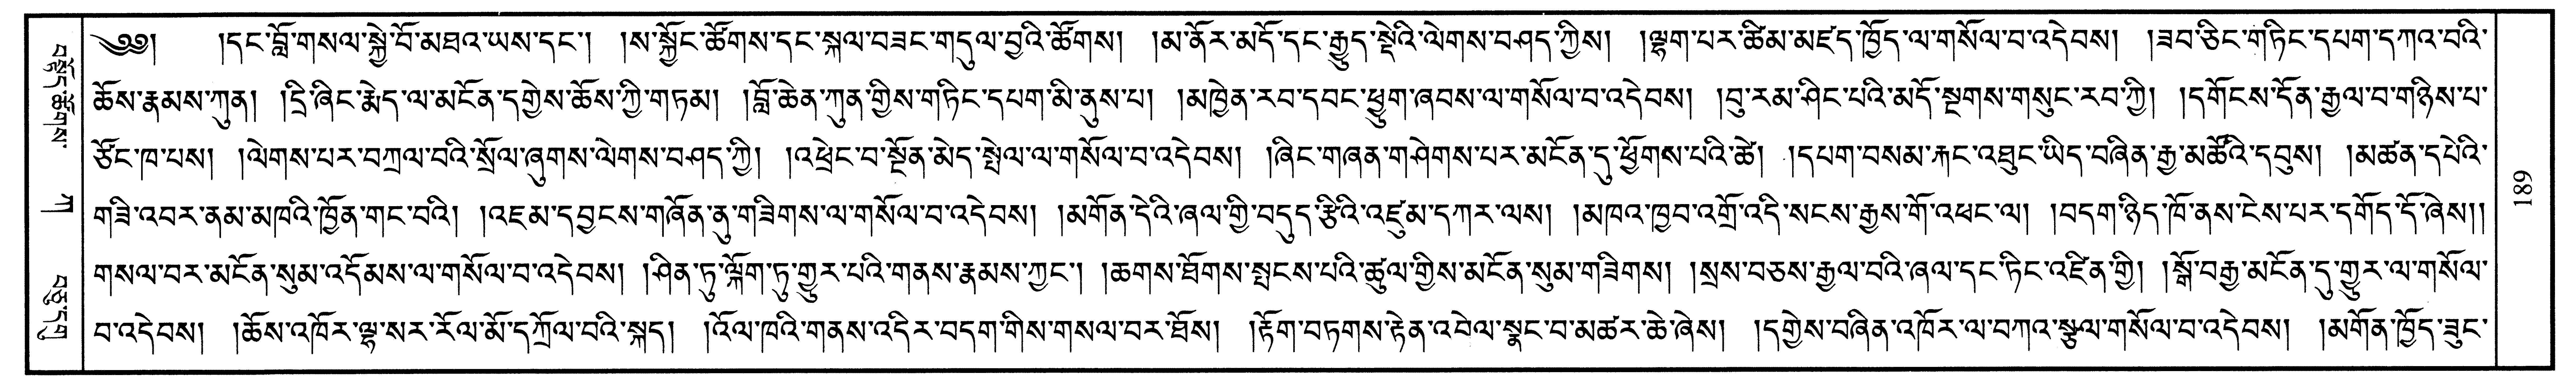༄༅། །དང་བློ་གསལ་སྐྱེ་བོ་མཐའ་ཡས་དང་། །ས་སྐྱོང་ཚོགས་དང་སྐལ་བཟང་གདུལ་བྱའི་ཚོགས། །མ་ནོར་མདོ་དང་རྒྱུད་སྡེའི་ལེགས་བཤད་ཀྱིས། །ལྷག་པར་ཚིམ་མཛད་ཁྱོད་ལ་གསོལ་བ་འདེབས། །ཟབ་ཅིང་གཏིང་དཔག་དཀའ་བའི་
ཆོས་རྣམས་ཀུན། །དྲི་ཞིང་རྨེད་ལ་མངོན་དགྱེས་ཆོས་ཀྱི་གཏམ། །བློ་ཆེན་ཀུན་གྱིས་གཏིང་དཔག་མི་ནུས་པ། །མཁྱེན་རབ་དབང་ཕྱུག་ཞབས་ལ་གསོལ་བ་འདེབས། །བུ་རམ་ཤིང་པའི་མདོ་སྔགས་གསུང་རབ་ཀྱི། །དགོངས་དོན་རྒྱལ་བ་གཉིས་པ་
ཙོང་ཁ་པས། །ལེགས་པར་བཀྲལ་བའི་སྲོལ་ཞུགས་ལེགས་བཤད་ཀྱི། །འཕྲེང་བ་སྔོན་མེད་སྤེལ་ལ་གསོལ་བ་འདེབས། །ཞིང་གཞན་གཤེགས་པར་མངོན་དུ་ཕྱོགས་པའི་ཚེ། །དཔག་བསམ་རྐང་འཐུང་ཡིད་བཞིན་རྒྱ་མཚོའི་དབུས། །མཚན་དཔེའི་
གཟི་འབར་ནམ་མཁའི་ཁྱོན་གང་བའི། །འཇམ་དབྱངས་གཞོན་ནུ་གཟིགས་ལ་གསོལ་བ་འདེབས། །མགོན་དེའི་ཞལ་གྱི་བདུད་རྩིའི་འཛུམ་དཀར་ལས། །མཁའ་ཁྱབ་འགྲོ་འདི་སངས་རྒྱས་གོ་འཕང་ལ། །བདག་ཉིད་ཁོ་ནས་ངེས་པར་དགོད་དོ་ཞེས།།
གསལ་བར་མངོན་སུམ་འདོམས་ལ་གསོལ་བ་འདེབས། །ཤིན་ཏུ་ལྐོག་ཏུ་གྱུར་པའི་གནས་རྣམས་ཀྱང་། །ཆགས་ཐོགས་སྤངས་པའི་ཚུལ་གྱིས་མངོན་སུམ་གཟིགས། །སྲས་བཅས་རྒྱལ་བའི་ཞལ་དང་ཏིང་འཛིན་གྱི། །སྒོ་བརྒྱ་མངོན་དུ་གྱུར་ལ་གསོལ་
བ་འདེབས། །ཆོས་འཁོར་ལྷ་སར་རོལ་མོ་དཀྲོལ་བའི་སྐད། །འོལ་ཁའི་གནས་འདིར་བདག་གིས་གསལ་བར་ཐོས། །རྟོག་བཏགས་རྟེན་འབྲེལ་སྣང་བ་མཚར་ཆེ་ཞེས། །དགྱེས་བཞིན་འཁོར་ལ་བཀའ་སྩལ་གསོལ་བ་འདེབས། །མགོན་ཁྱོད་ཟུང་